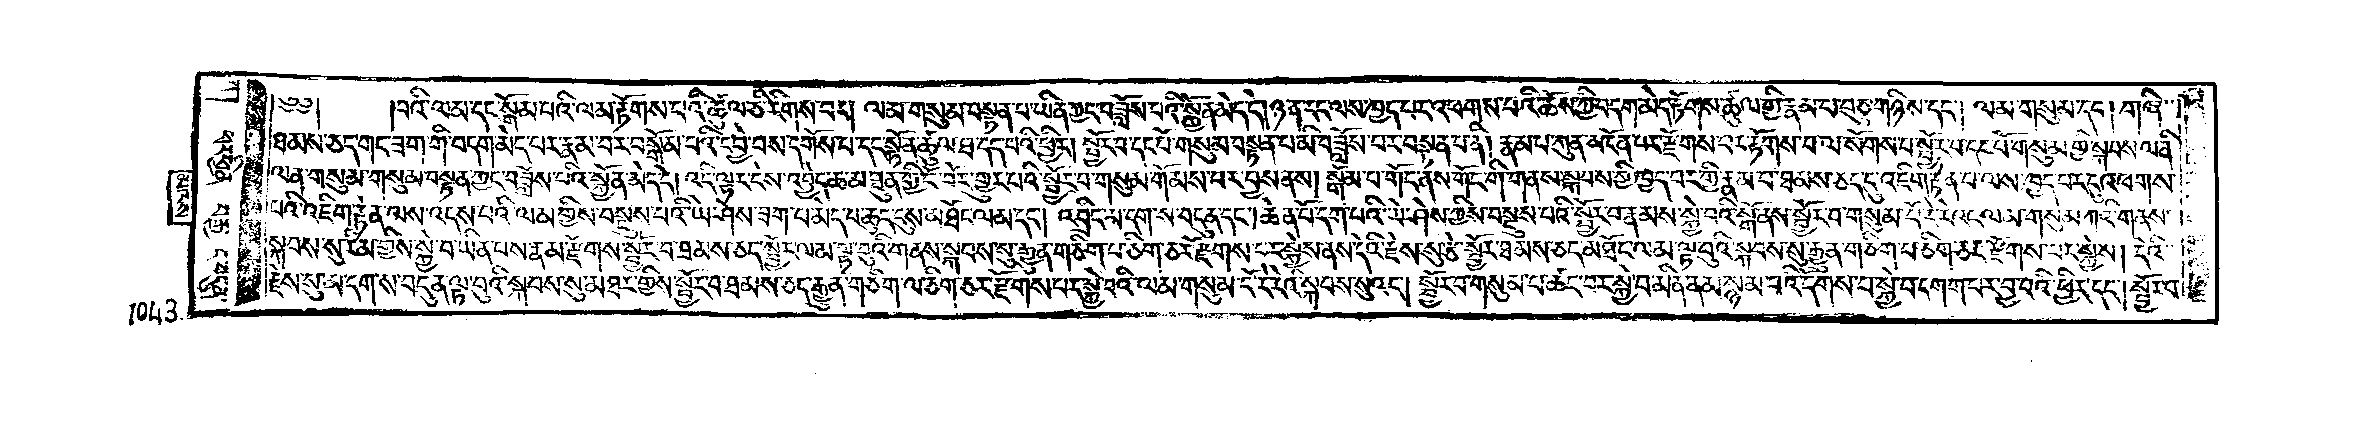༄༅། །བའི་ལམ་དང་སྒོམ་པའི་ལམ་རྟོགས་པའི་ཚུལ་ཅི་རིགས་པར། ལམ་གསུམ་བསྟན་པ་ཡིན་ཀྱང་བཟློས་པའི་སྐྱོན་མེད་དེ། ཉན་རང་ལས་ཁྱད་པར་འཕགས་པའི་ཆོས་ཀྱི་བདག་མེད་རྟོགས་ཚུལ་གྱི་རྣམ་པ་བཅུ་གཉིས་དང་། ལམ་གསུམ་དང་། གཞི་
ཐམས་ཅད་གང་ཟག་གི་བདག་མེད་པར་རྣམ་པར་བསྒོམ་པའི་དབྱེ་བས་དགོས་པ་དང་སྟོན་ཚུལ་ཐ་དད་པའི་ཕྱིར། སྦྱོར་བ་དང་པོ་གསུམ་བསྟན་པ་མི་བཟློས་པར་བསྟན་པ་ནི། རྣམ་པ་ཀུན་མངོན་པར་རྫོགས་པར་རྟོགས་པ་ལ་སོགས་པ་སྦྱོར་བ་དང་པོ་གསུམ་གྱི་སྐབས་ལ་ནི་
ཕ༹ླན་གསུམ་གསུམ་བསྟན་ཀྱང་བཟློས་པའི་སྐྱོན་མེད་དེ། འདི་ལྟར་ངེས་འབྱེད་ཆ་མཐུན་གྱི་ངོ་བོར་གྱུར་པའི་སྦྱོར་བ་གསུམ་གོམས་པར་བྱས་ནས། སྒོམ་པ་གོང་ནས་གོང་གི་གནས་སྐབས་ཀྱི་ཁྱད་པར་གྱི་རྣམ་པ་ཐམས་ཅད་དུ་འཇིག་རྟེན་པ་ལས་ཁྱད་པར་དུ་འཕགས་
པའི་འཇིག་རྟེན་ལས་འདས་པའི་ལམ་གྱིས་བསྡུས་པའི་ཡེ་ཤེས་ཟག་པ་མེད་པ་ཆུང་ངུས་མཐོང་ལམ་དང་། འབྲིང་མ་དག་ས་བདུན་དང་། ཆེན་པོ་དག་པའི་ཡེ་ཤེས་ཀྱིས་བསྡུས་པའི་སྦྱོར་བ་རྣམས་སྐྱེ་བའི་སྒོ་ནས་སྦྱོར་བ་གསུམ་པོ་རེ་རེའང་ལམ་གསུམ་ཀའི་གནས་
སྐབས་སུ་རིམ་གྱིས་སྐྱེ་བ་ཡིན་པས་རྣམ་རྫོགས་སྦྱོར་བ་ཐམས་ཅད་སྦྱོར་ལམ་ལྟ་བུའི་གནས་སྐབས་སུ་རྒྱུན་གཅིག་པ་ཅིག་ཅར་རྫོགས་པར་སྐྱེས་ནས་དེའི་རྗེས་སུ་རྩེ་སྦྱོར་ཐམས་ཅད་མཐོང་ལམ་ལྟ་བུའི་སྐབས་སུ་རྒྱུན་གཅིག་པ་ཅིག་ཅར་རྫོགས་པར་སྐྱེས། དེའི་
རྗེས་སུ་མ་དག་ས་བདུན་ལྟ་བུའི་སྐབས་སུ་མཐར་གྱིས་སྦྱོར་བ་ཐམས་ཅད་རྒྱུན་གཅིག་ལ་ཅིག་ཅར་རྫོགས་པར་སྐྱེ་བའི་ལམ་གསུམ་ངོ་རེ་རེའི་སྐབས་སུའང་། སྦྱོར་བ་གསུམ་པ་ཚང་བར་སྐྱེ་བ་མིན་ནམ་སྙམ་པའི་དགོས་པ་སྐྱེ་བ་དགག་པར་བྱ་བའི་ཕྱིར་དང་། སྦྱོར་བ་